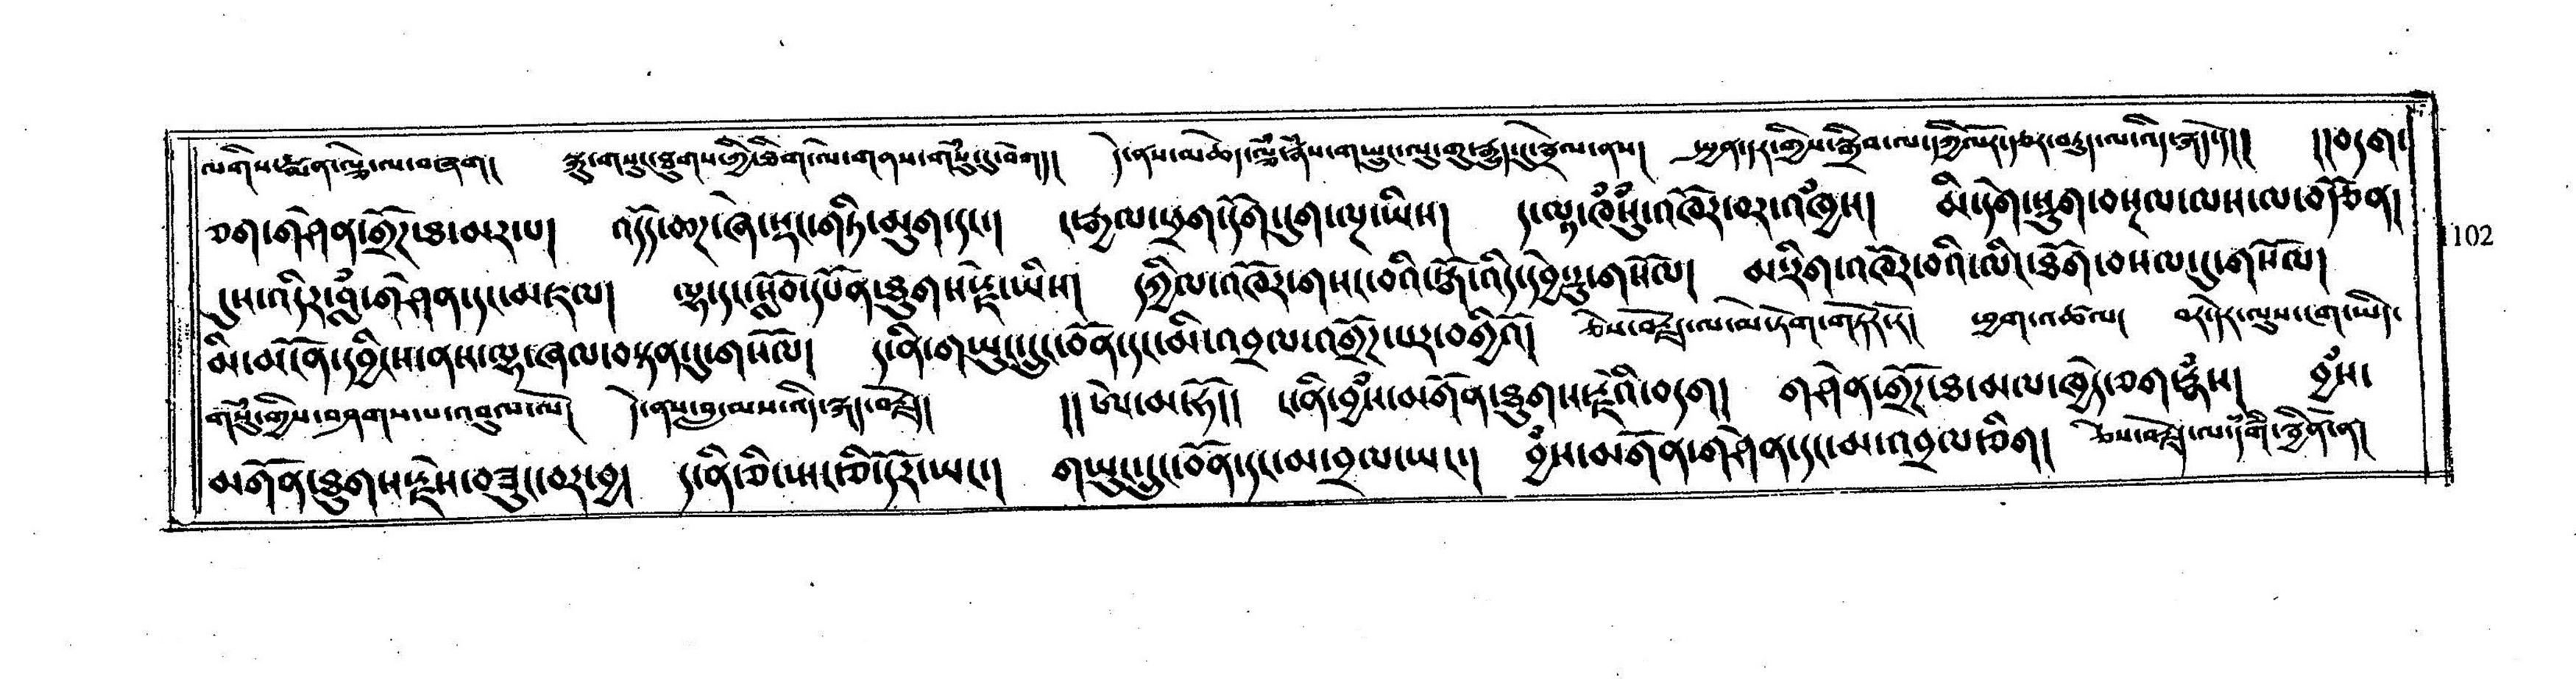ལག་གིས་སྨན་ལྕེ་ལ་བཞག སྐུ་གསུང་ཐུགས་ཀྱི་ཐིག་ལེ་གནས་གསུམ་དུ་བཀོད། དེ་ནས་མཆེད་ལྕམ་རྣམས་གཡུང་དྲུང་ལུ་གུ་རྒྱུད་དུ་སྦྲེལ་ནས། སྤྱན་དར་གྱིས་བསྒྲིབ་ལ་{1121}དཀྱིལ་འཁོར་རྩར་བརྒྱུད་ལ་འདི་སྐད་དོ།། །།བདག་
ཅག་གཤེན་གྲོགས་ཐ་མལ་པ། འདོད་ཆགས་ཞེ་སྡང་གཏི་མུག་དང་། ང་རྒྱལ་ཕྲག་དོག་དུག་ལྔ་ཡིས། ད་ལྟ་ཁམས་གསུམ་འཁོར་བར་འཁྱམས། མི་དགེ་སྡུག་བསྔལ་ལས་ལ་བརྩོན། 
དུས་འདིར་བླ་མ་གཤེན་དང་མཇལ། ལྷ་དང་སློབ་དཔོན་ཐུགས་རྗེ་ཡིས། དཀྱིལ་འཁོར་གསང་བའི་སྒོ་འདི་དབྱེ་རུ་གསོལ། མ་རིག་འཁོར་བའི་ལིང་ཐོག་བསལ་དུ་གསོལ། 
མི་མངོན་དབྱིངས་ནས་ལྷ་ཞལ་བསྟན་དུ་གསོལ། ད་ནི་གཡུང་དྲུང་བོན་དང་མི་འབྲལ་འགྲོགས་པར་བགྱིའོ། ཅེས་བརྗོད་ལ་མེ་ཏོག་གཏོར་རོ། ཕྱག་འཚལ། བར་དེར་ལུས་ངག་ཡིད་
གསུམ་གྱིས་བཤགས་པ་འབུལ་ལོ། དེ་ནས་བླ་མས་འདི་སྐད་བརྗོད།། །།ཨེ་མ་ཧོ།། ང་ནི་བྱམས་མགོན་ཐུགས་རྗེའི་བདག གཤེན་གྲོགས་ཐ་མལ་ཁྱེད་ཅག་རྣམས། བྱམས་
མགོན་ཐུགས་རྗེས་བཟུང་བར་བྱ། ད་ནི་ཅི་སྤང་ཅི་དོར་ཡང་། གཡུང་དྲུང་བོན་དང་མ་བྲལ་ཡང་། བྱམས་མགོན་གཤེན་དང་མ་འབྲལ་ཅིག ཅེས་བརྗོད་ལ་དམ་ཚིག་སྦྱིན་ནོ།